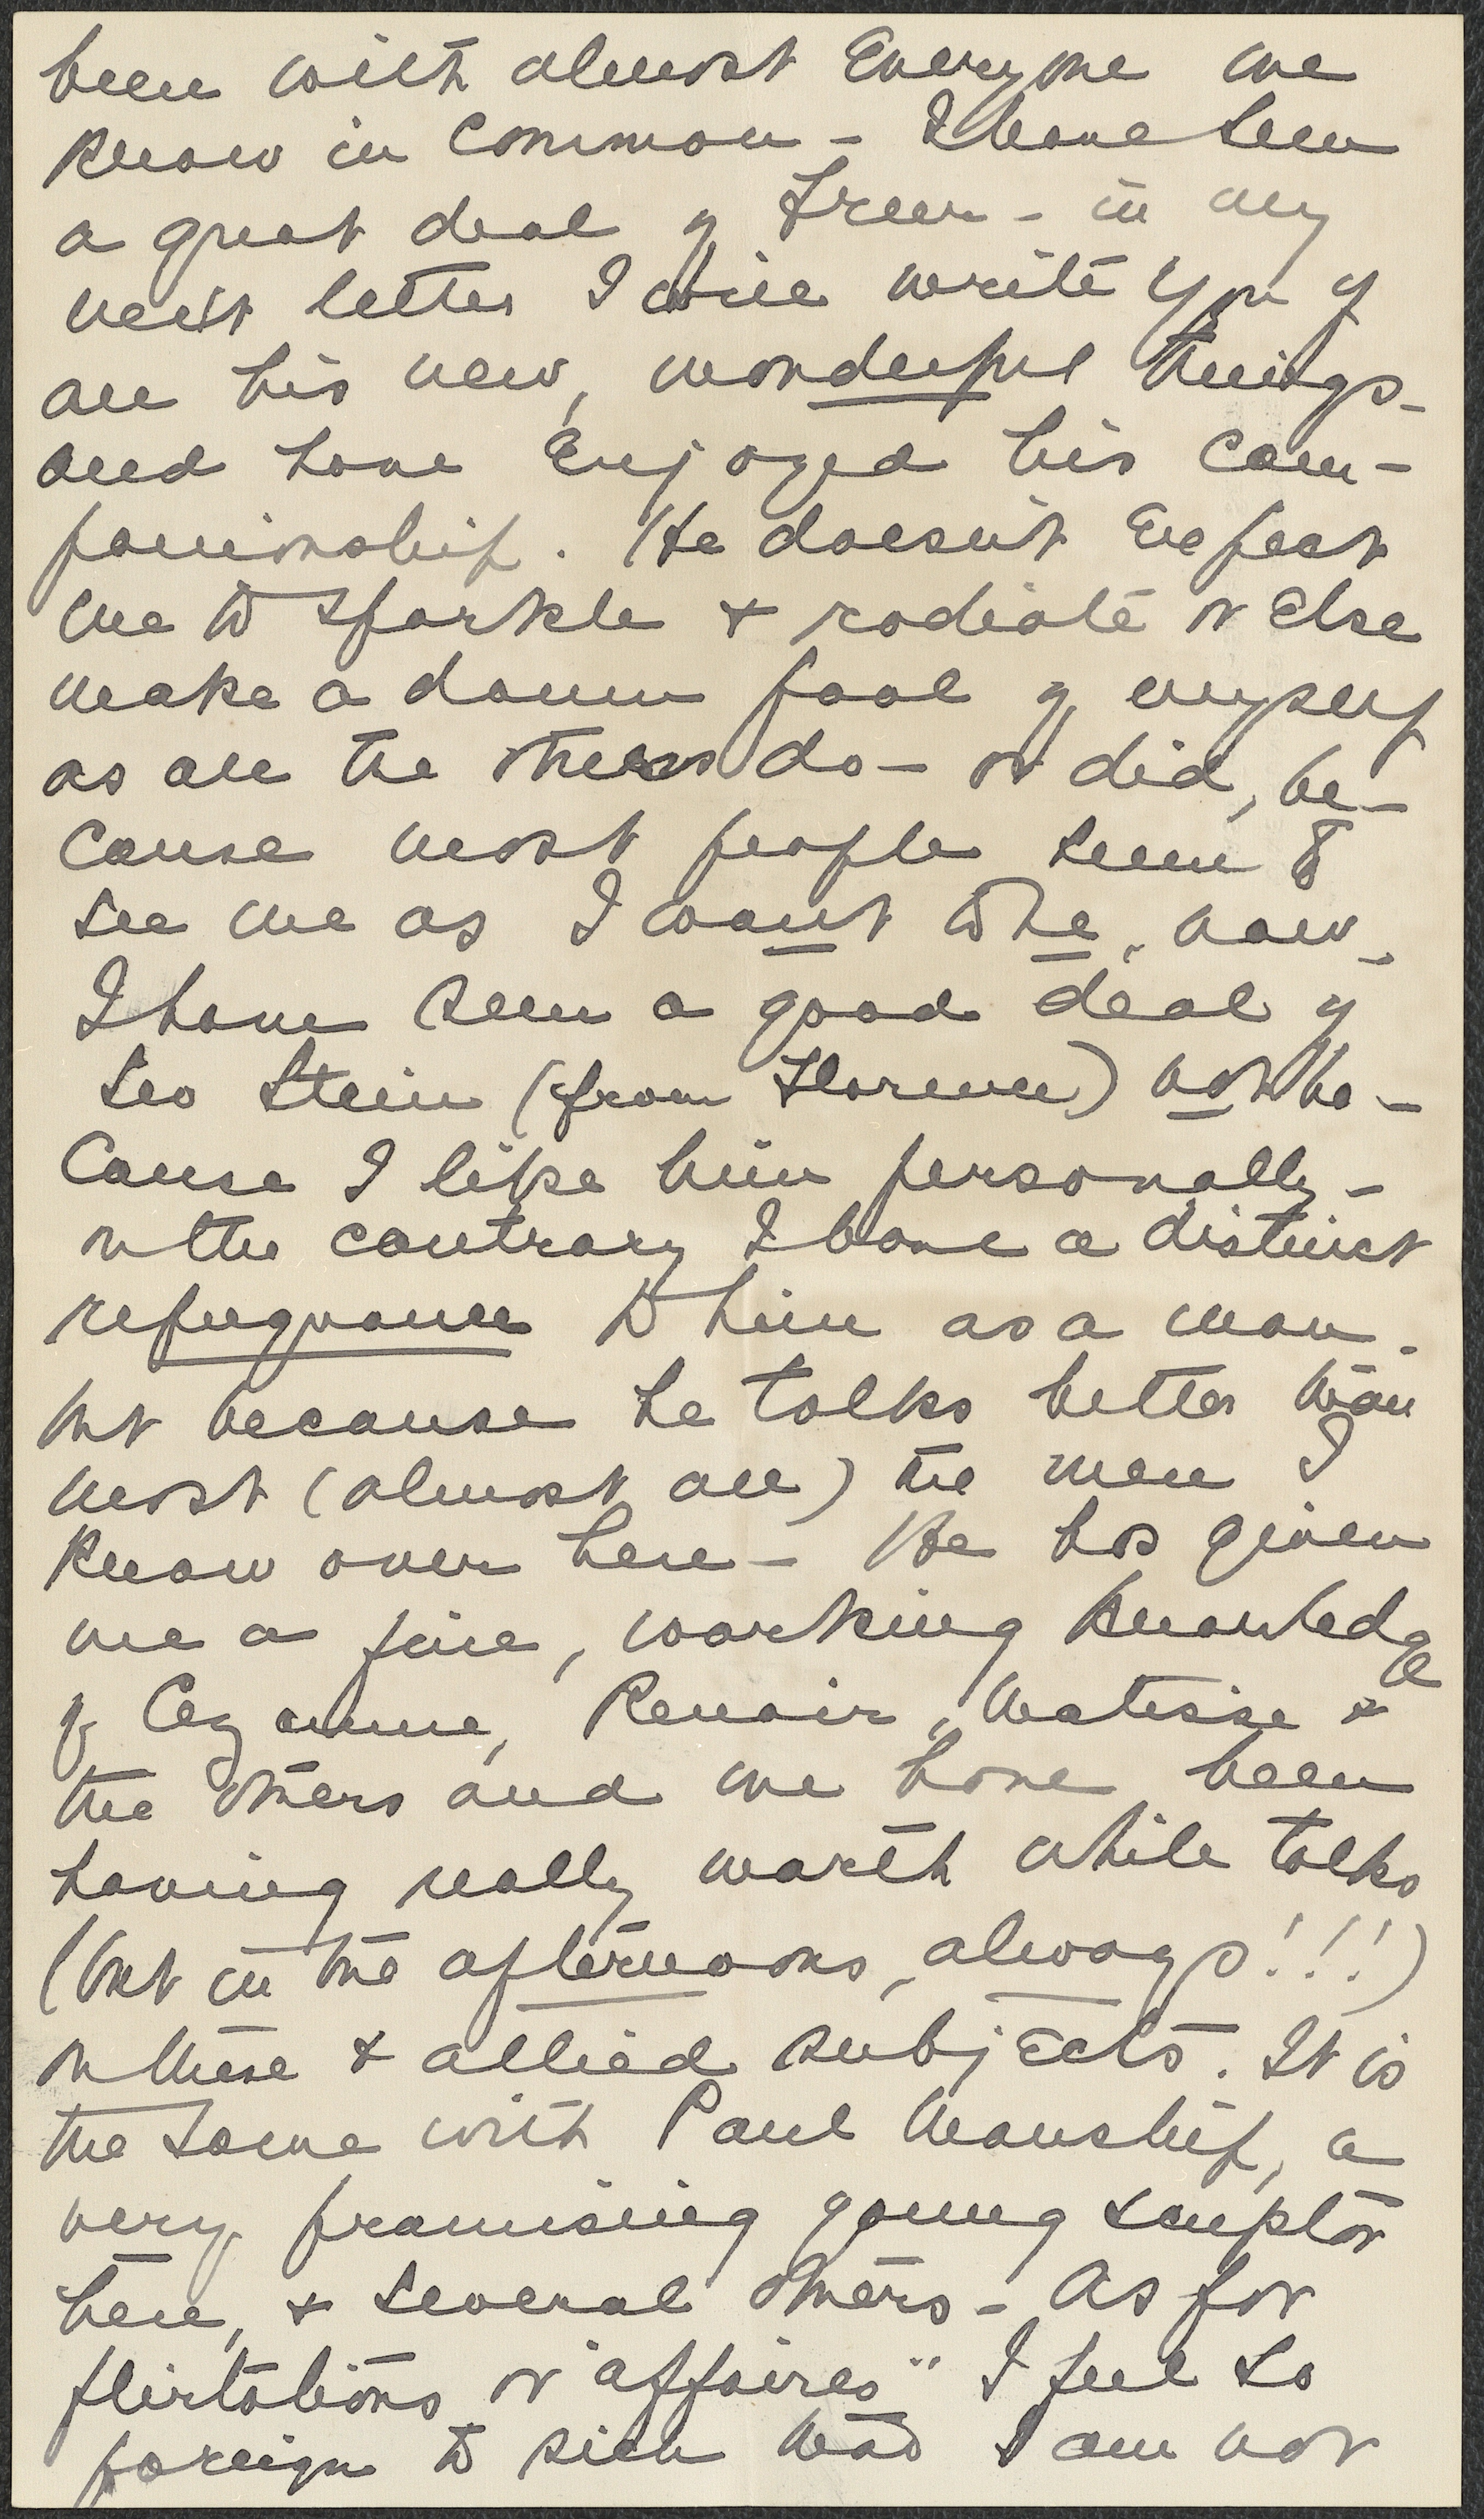been with almost everyone we know in common – I have seen a great deal of Freer – in my next letter I will write you of all his new, wonderful things – and have enjoyed his companionship. He doesn't expect me to sparkle & radiate or else make a damn fool of myself as all the others do – or did, because most people seem to see me as I want to be, now I have seen a good deal of Leo Stein (from Florence) not because I like him personally – on the contrary I have a distinct repugnance to him as a man – but because he talks better than most (almost all) the men I know over here – He has given me a fine, working knowledge of Cezanne, Renoir, Matisse & the others and we have been having really worth while [sic] talks (but in the afternoons, always!!!) on these & allied subjects. It is the same with Paul Manship, a very promising young sculptor here, & several others – as for flirtations or "affaires" I feel so foreign to sich that I am not